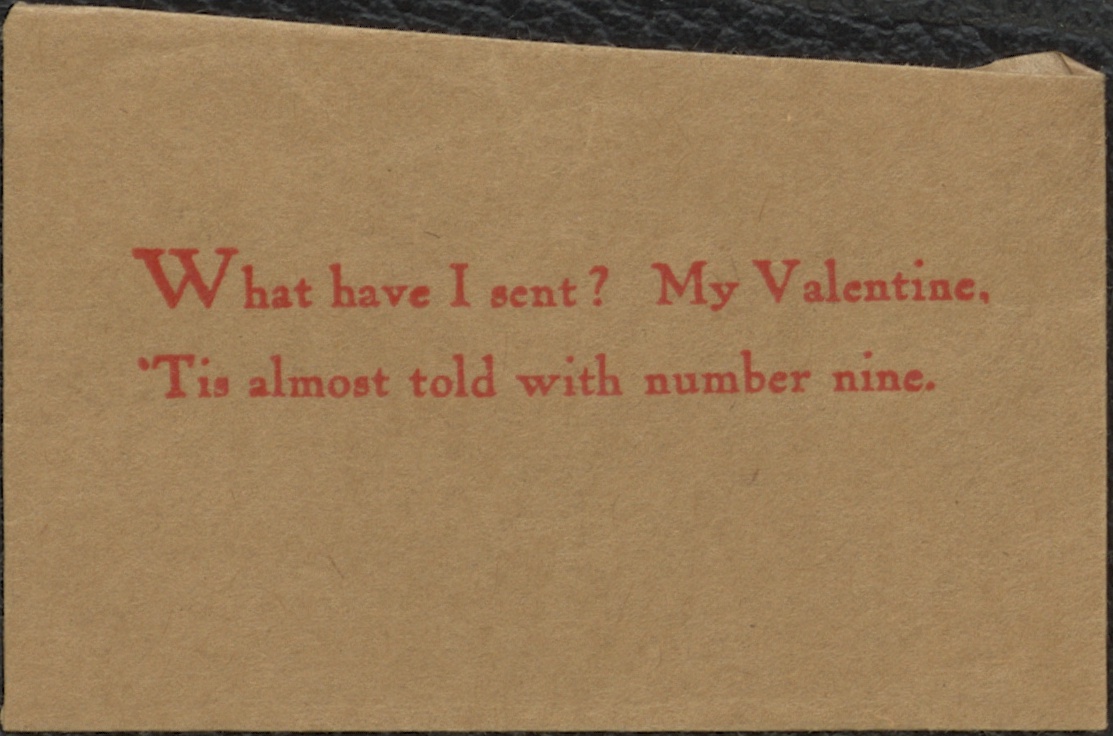[9]
What have I sent? My Valentine,
‘Tis almost told with number nine.